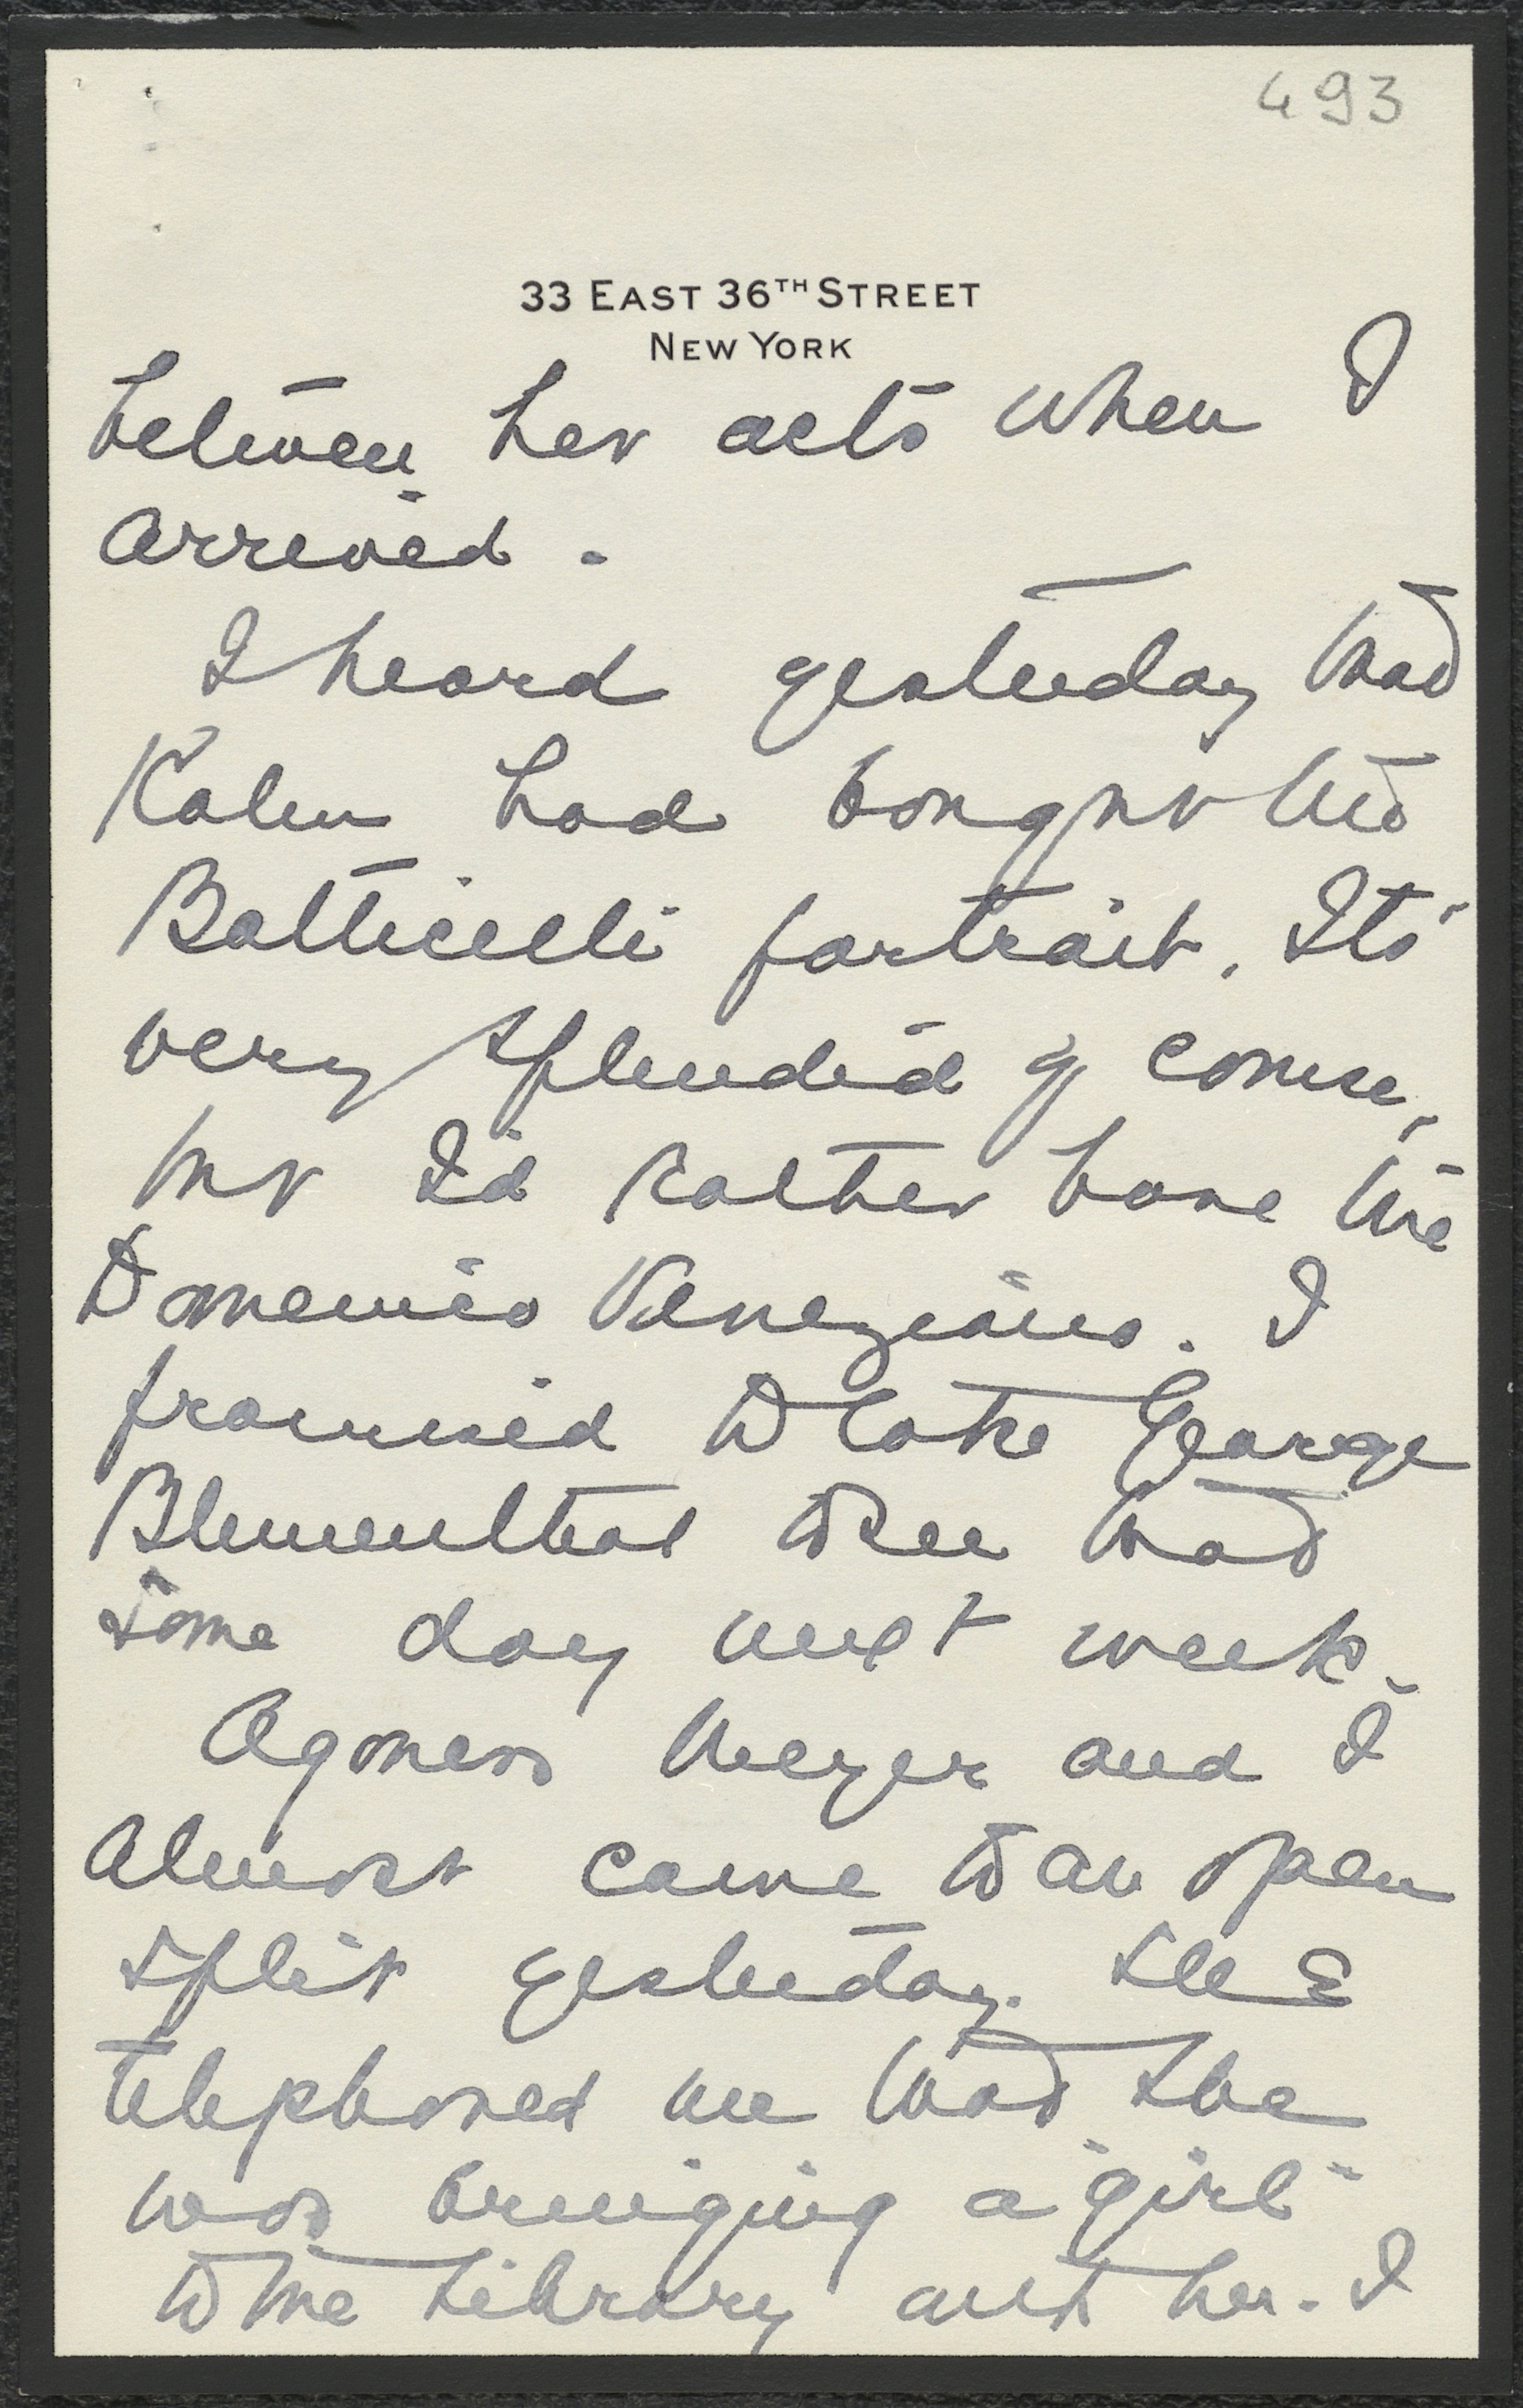between her acts when I arrived.
I heard yesterday that Kahn had bought the Botticelli portrait. It’s very splendid of course, but I’d rather have the Domenico Veneziano. I promised to take George Blumenthal to see that some day next week –
Agoness Meyer and I almost came to an open split yesterday. She telephoned me that she was bringing a “girl” to the Library with her. I